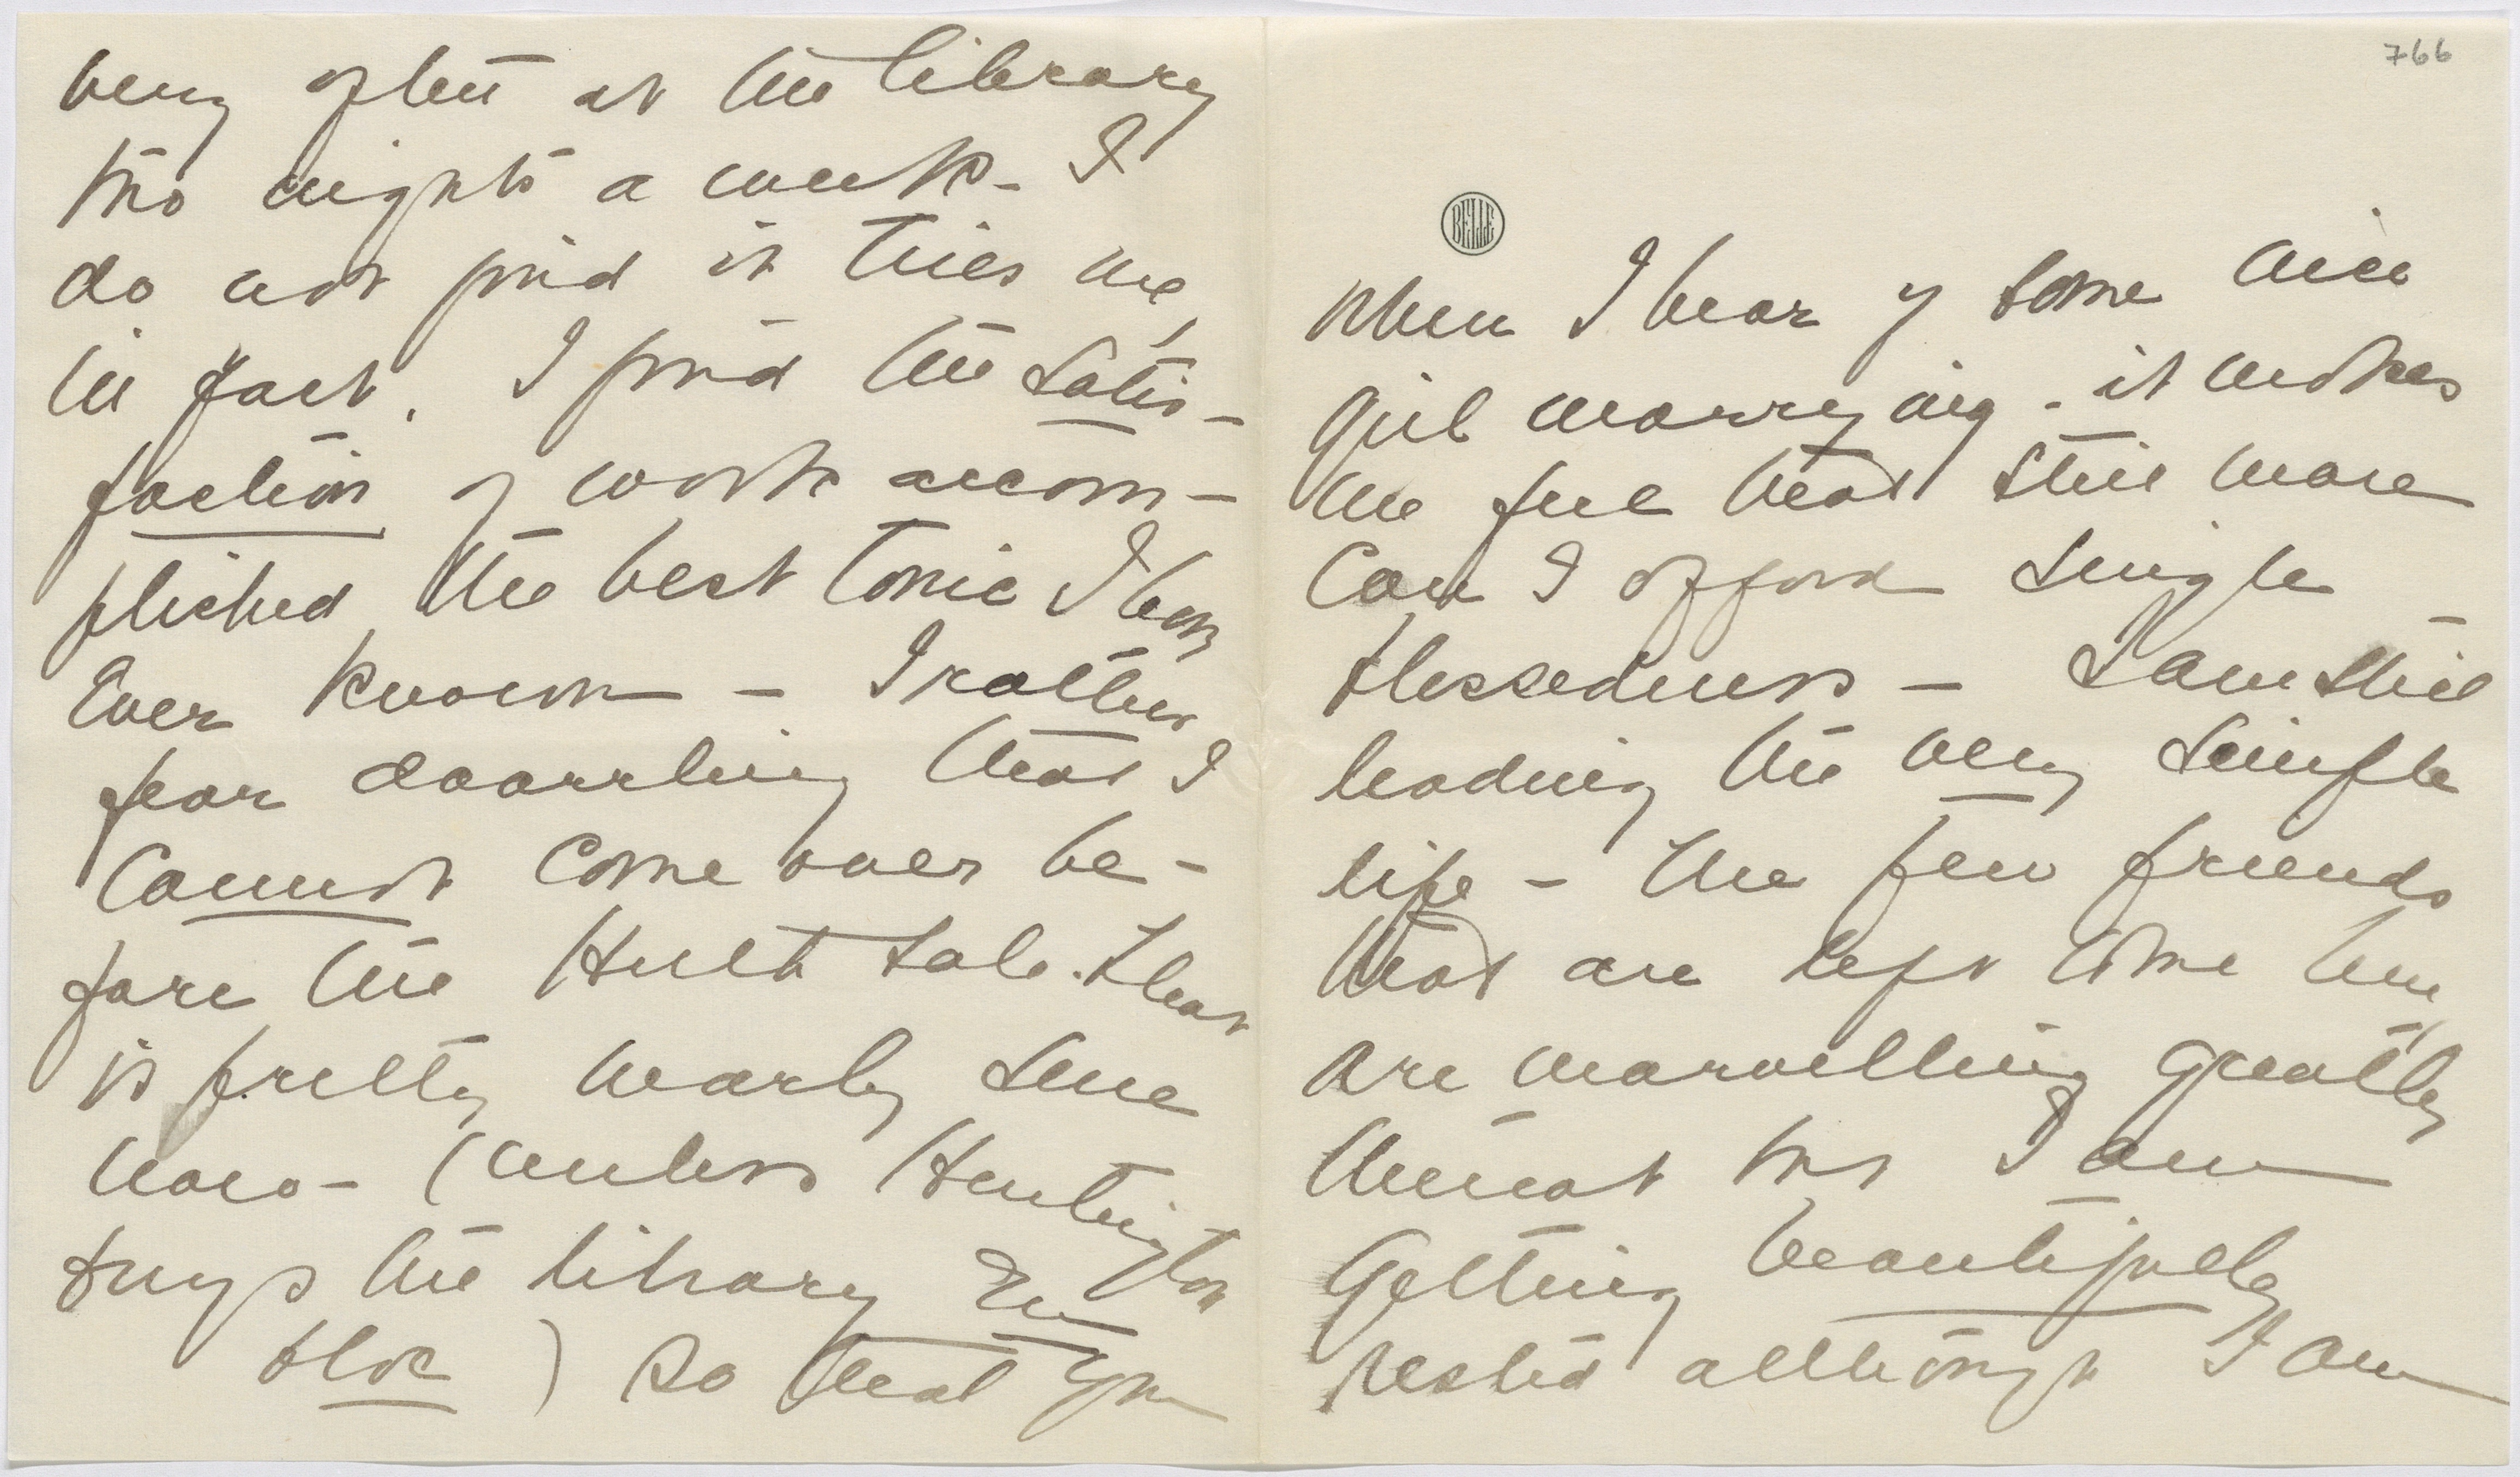when I hear of some nice girl marrying it makes me feel that still more can I afford single blessedness – I am still leading the very simple life – the few friends that are left to me here are marvelling greatly thereat but I am getting beautifully rested although I am
very often at the library two nights a week – I do not find it tires me in fact, I find the satisfaction of work accomplished the best tonic I have ever known – I rather fear daarrling that I cannot come over before the Huth sale. That is pretty nearly sure – (unless Huntington buys the library en bloc) so that you